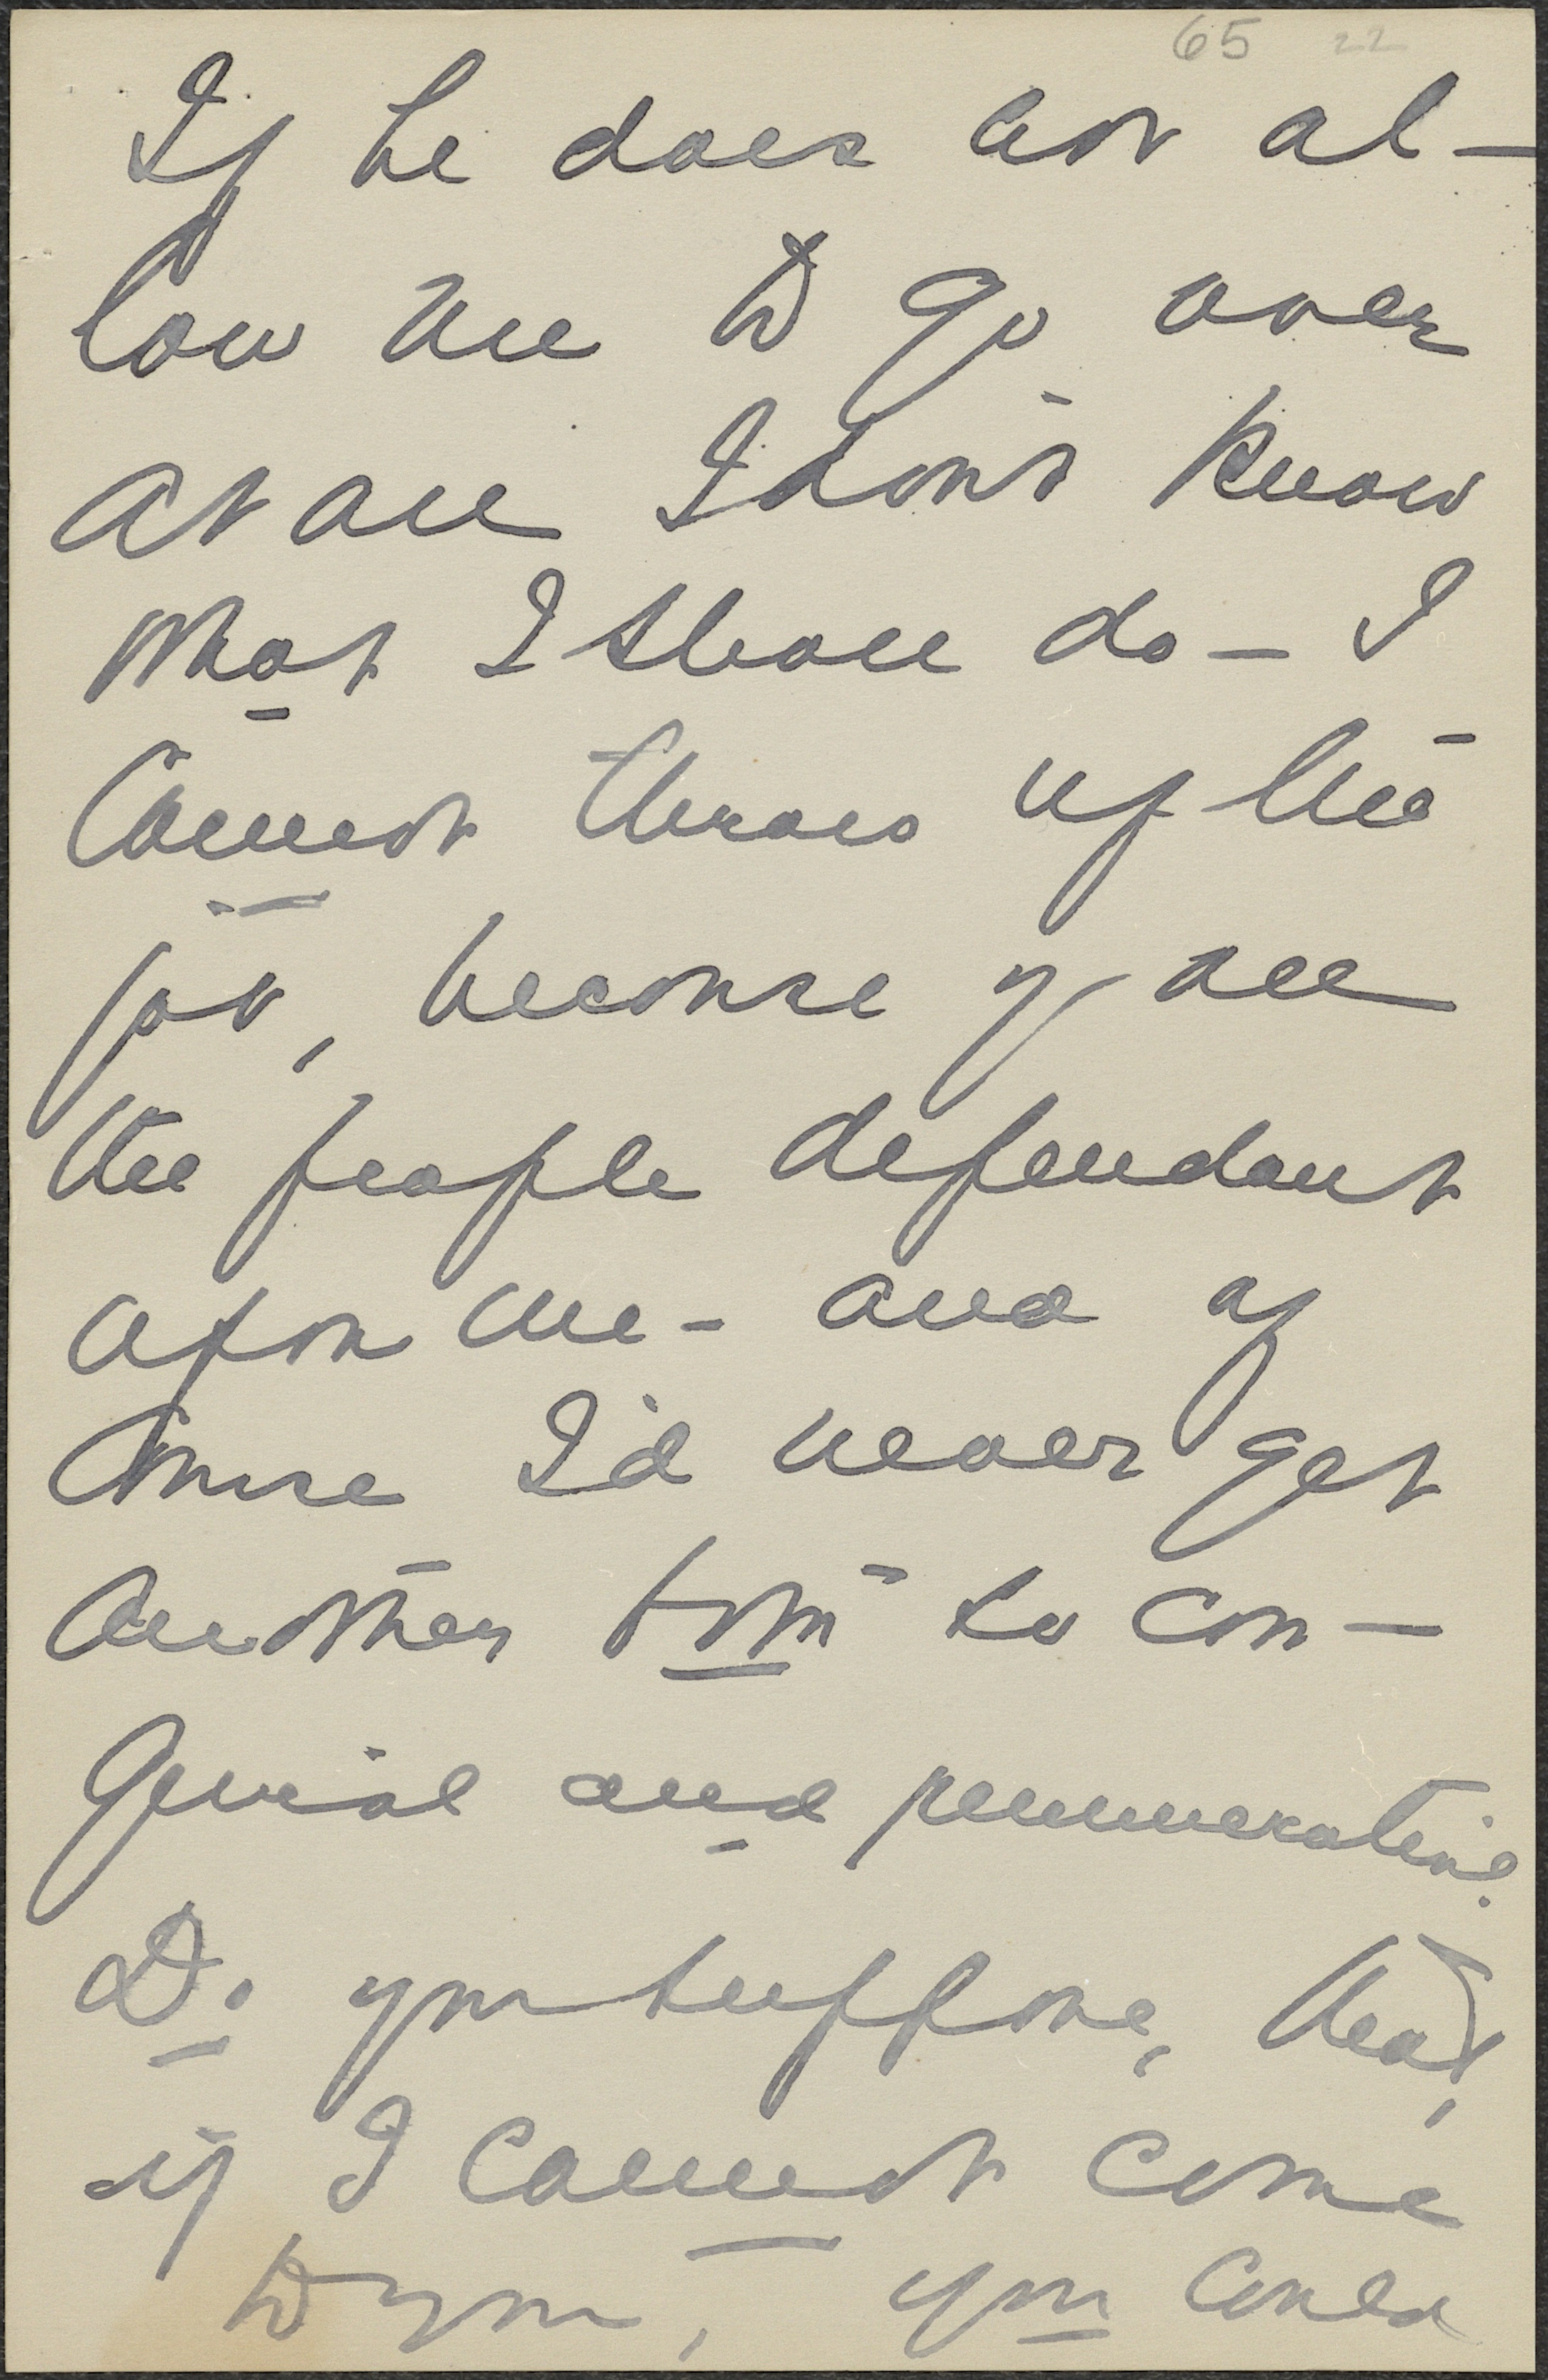If he does not allow me to go over at all I don’t know what I shall do – I cannot throw up the job, because of all the people dependant [sic] upon me – and of course I’d never get another both so congenial and remunerative. Do you suppose, that, if I cannot come to you, you could